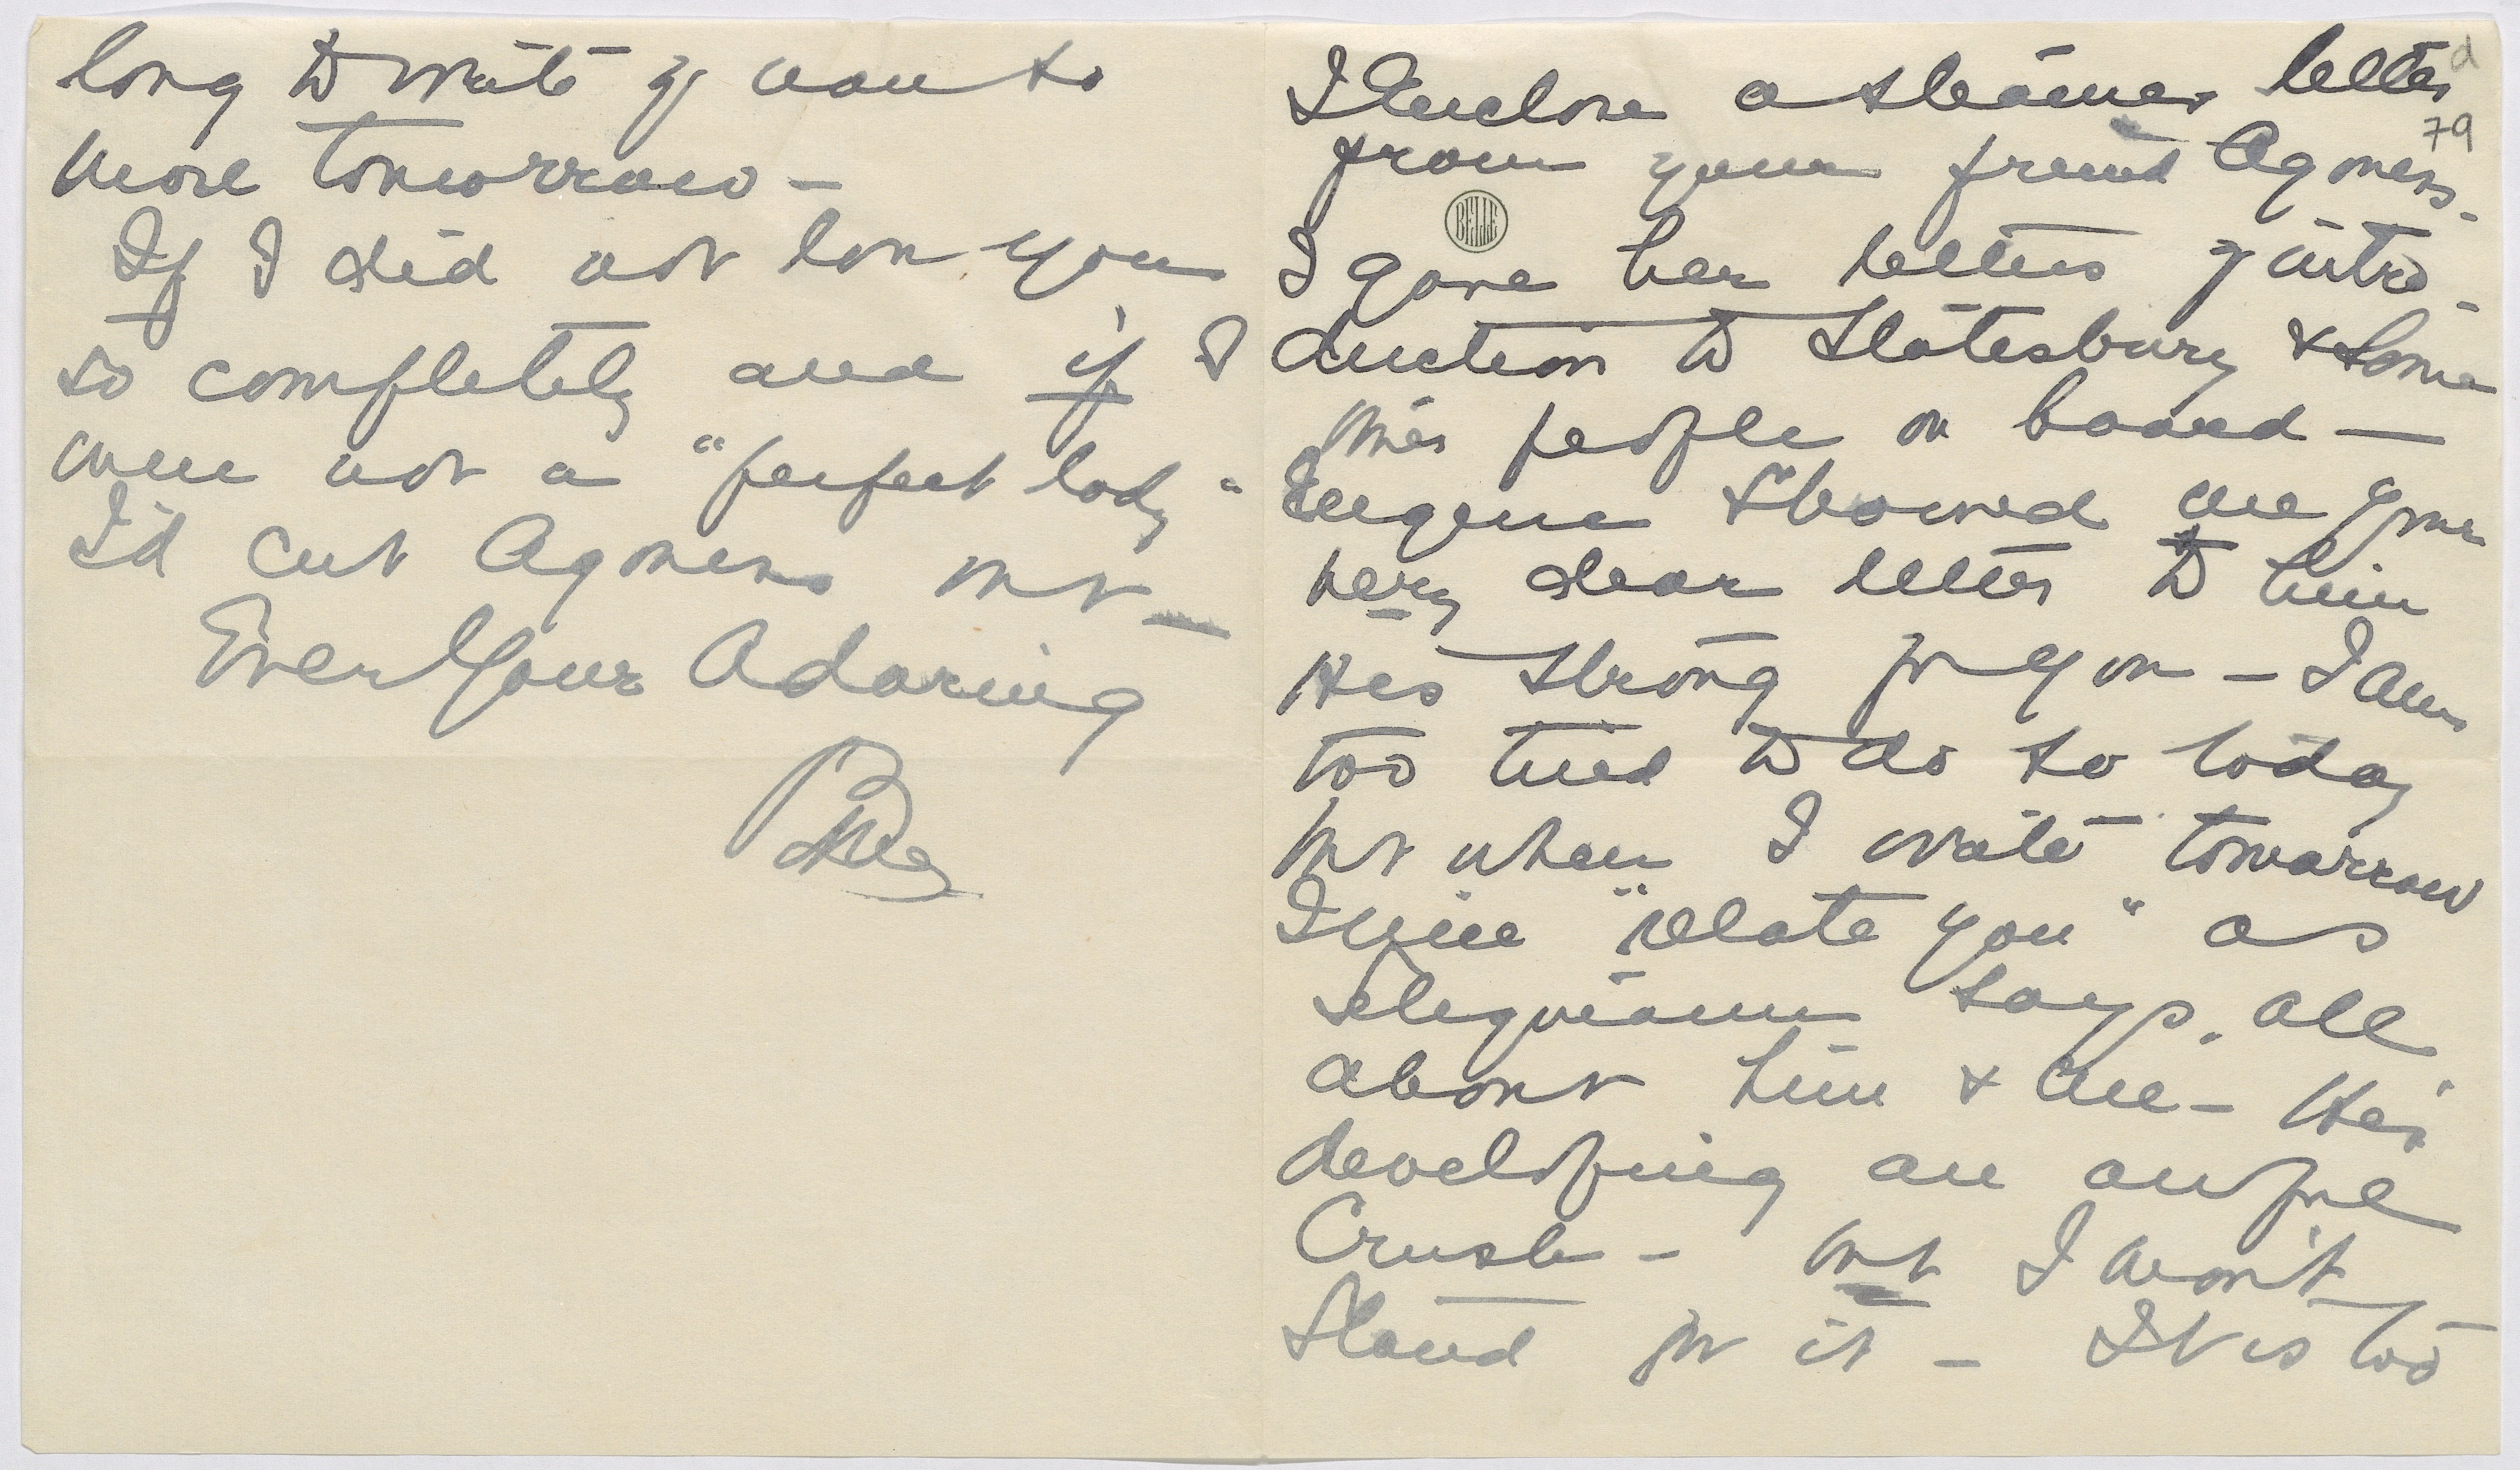I enclose a steamer letter from your friend Agoness. I gave her letters of introduction to Statesbury & some other people on board – Eugene showed me your very dear letter to him
Hes [sic] strong for you – I am too tired to do so today but when I write tomorrow I will “relate you” as Seligmann says, all about him & all – He’s developing an awful crush – but I won’t stand for it – It is too
long to write of now so more tomorrow –
If I did not love you so completely and if I were not a “perfect lady” I’d cut Agoness out –
Ever Your Adoring
Belle